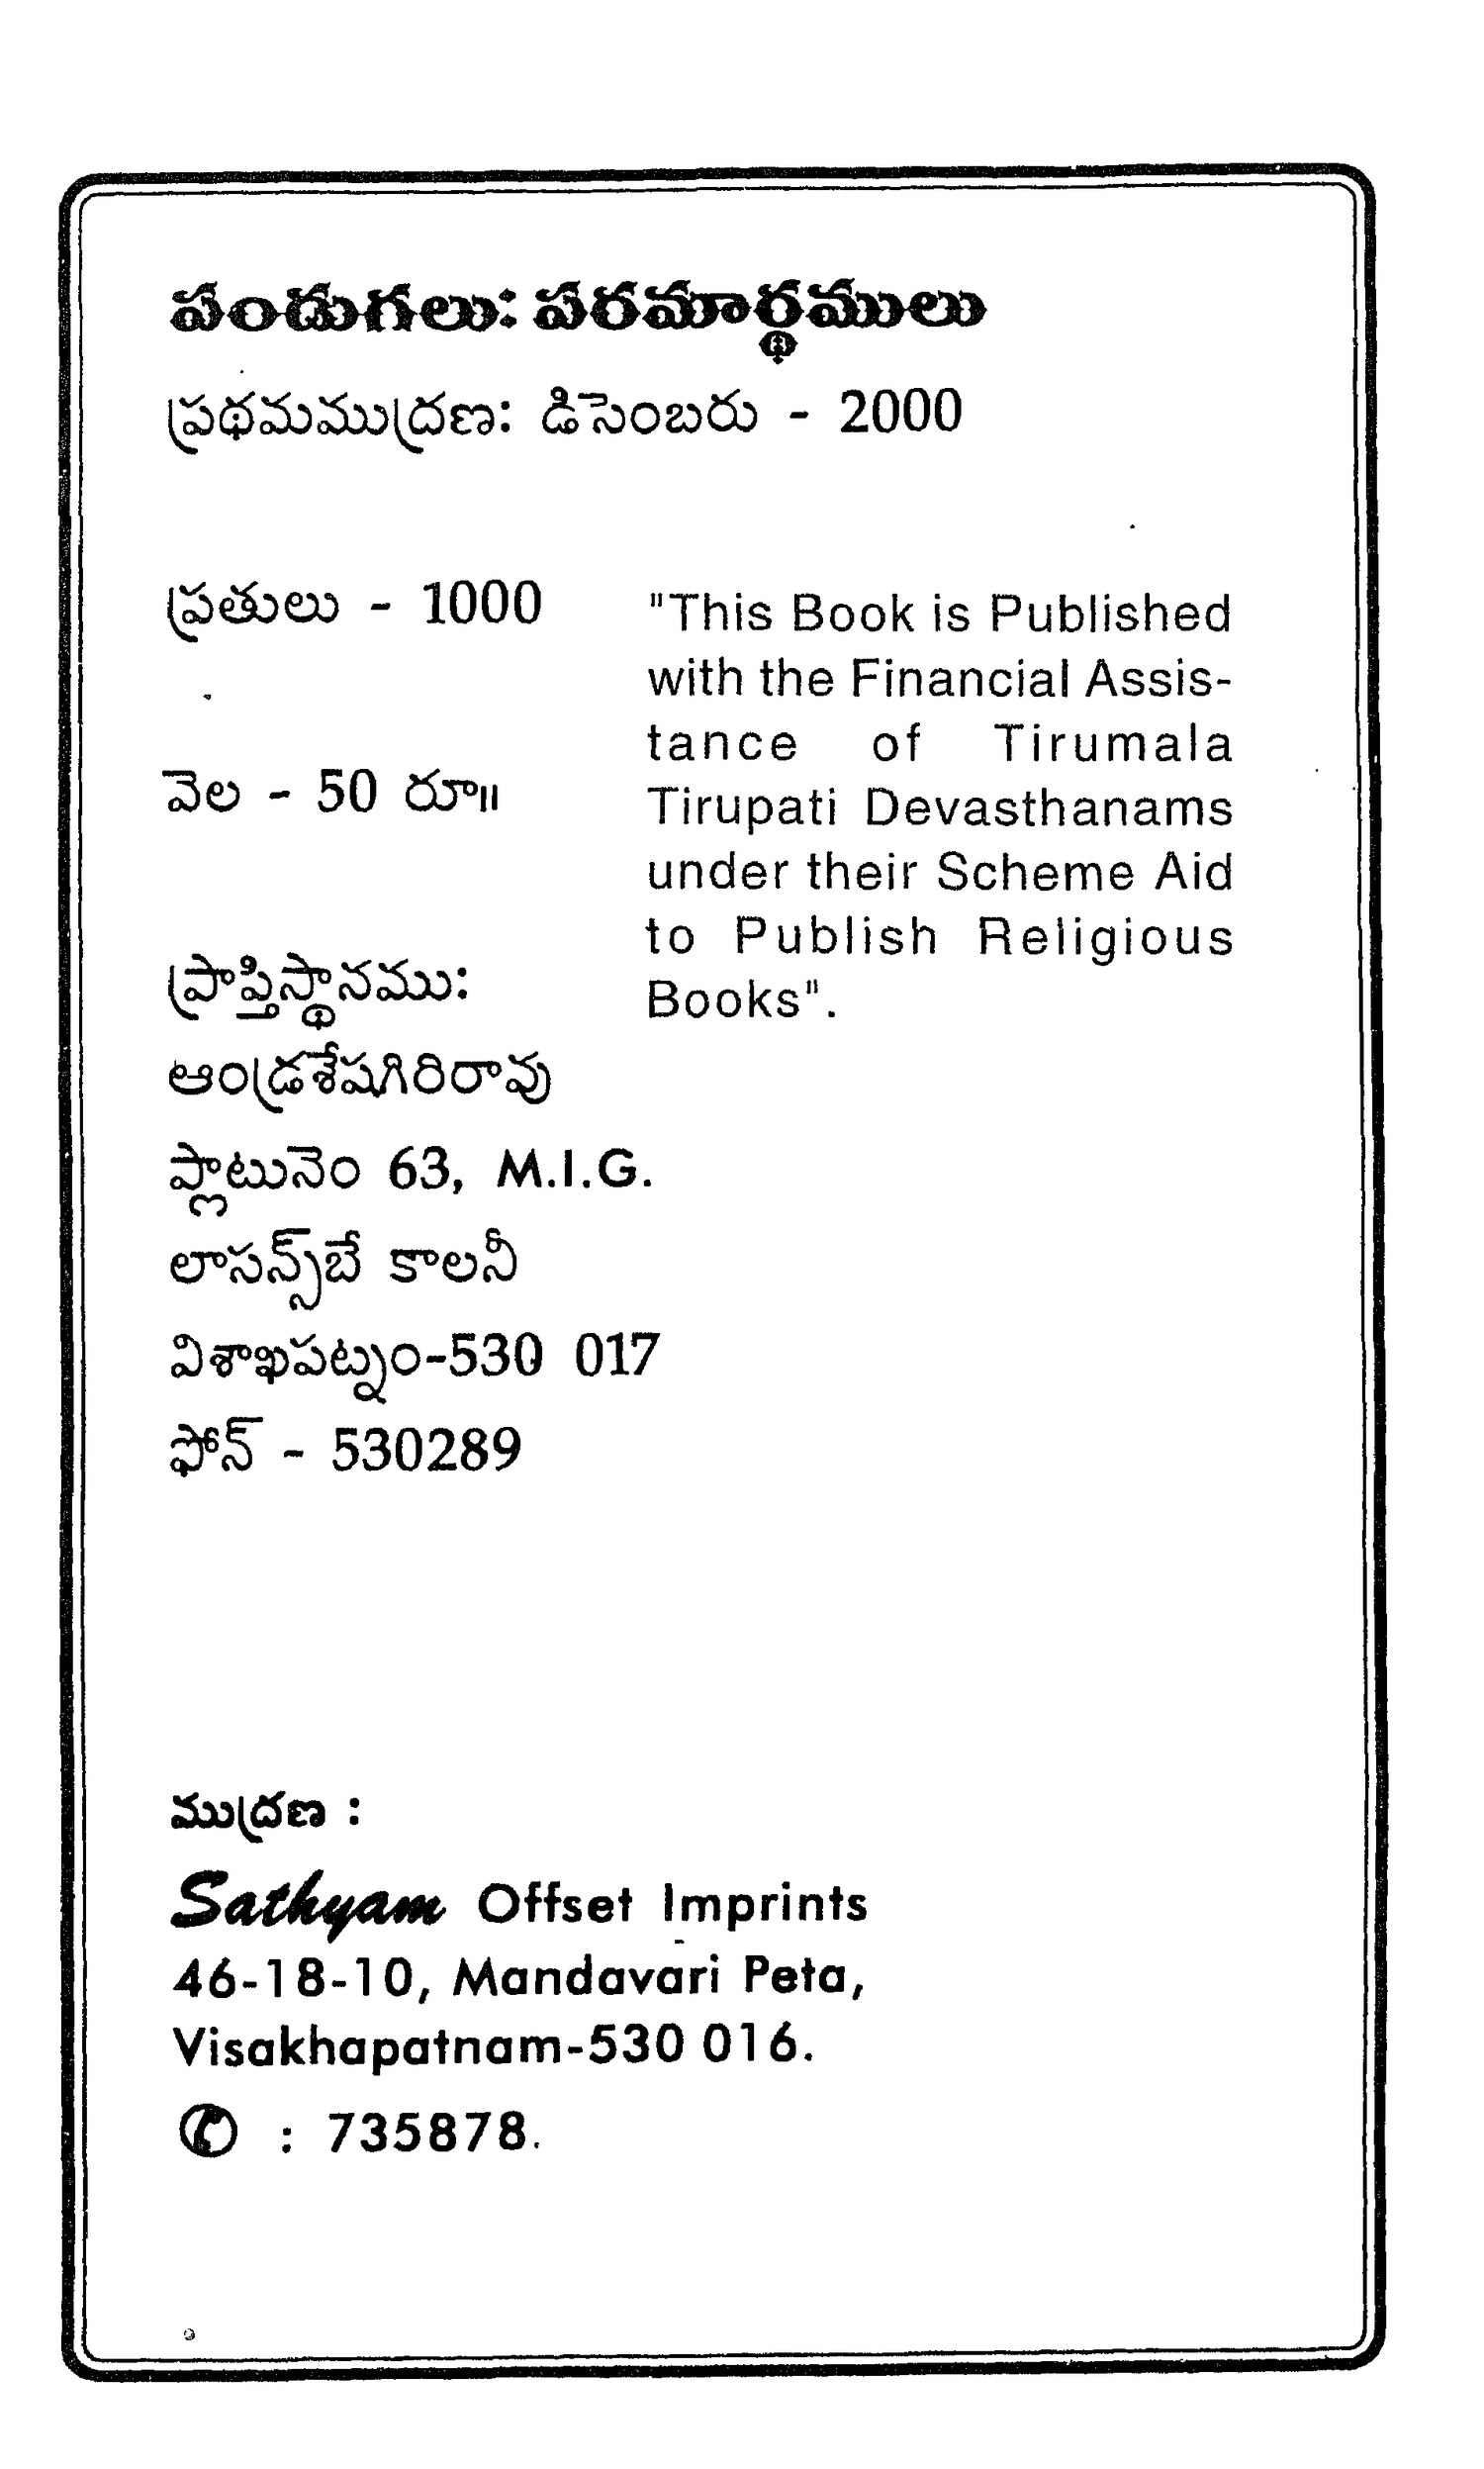పండుగలు: పరమార్థములు

ప్రథమముద్రణ: డిసెంబరు - 2000

ప్రతులు - 1000

"This Book is Published with the Financial Assistance of Tirumala Tirupati Devasthanams under their Scheme Aid to Publish Religious Books."

వెల - 50 రూ||

ప్రాప్తిస్థానము:

ఆండ్ర శేషగిరిరావు

ప్లాటు నెం 63, M.I.G.

లాసన్స్ బే కాలనీ

విశాఖపట్నం - 530 017

ఫోన్ - 530289

ముద్రణ :

Sathyam Offset Imprints

46-18-10, Mandavari Peta,

Visakhapatnam-530 016.

Phone : 735878.